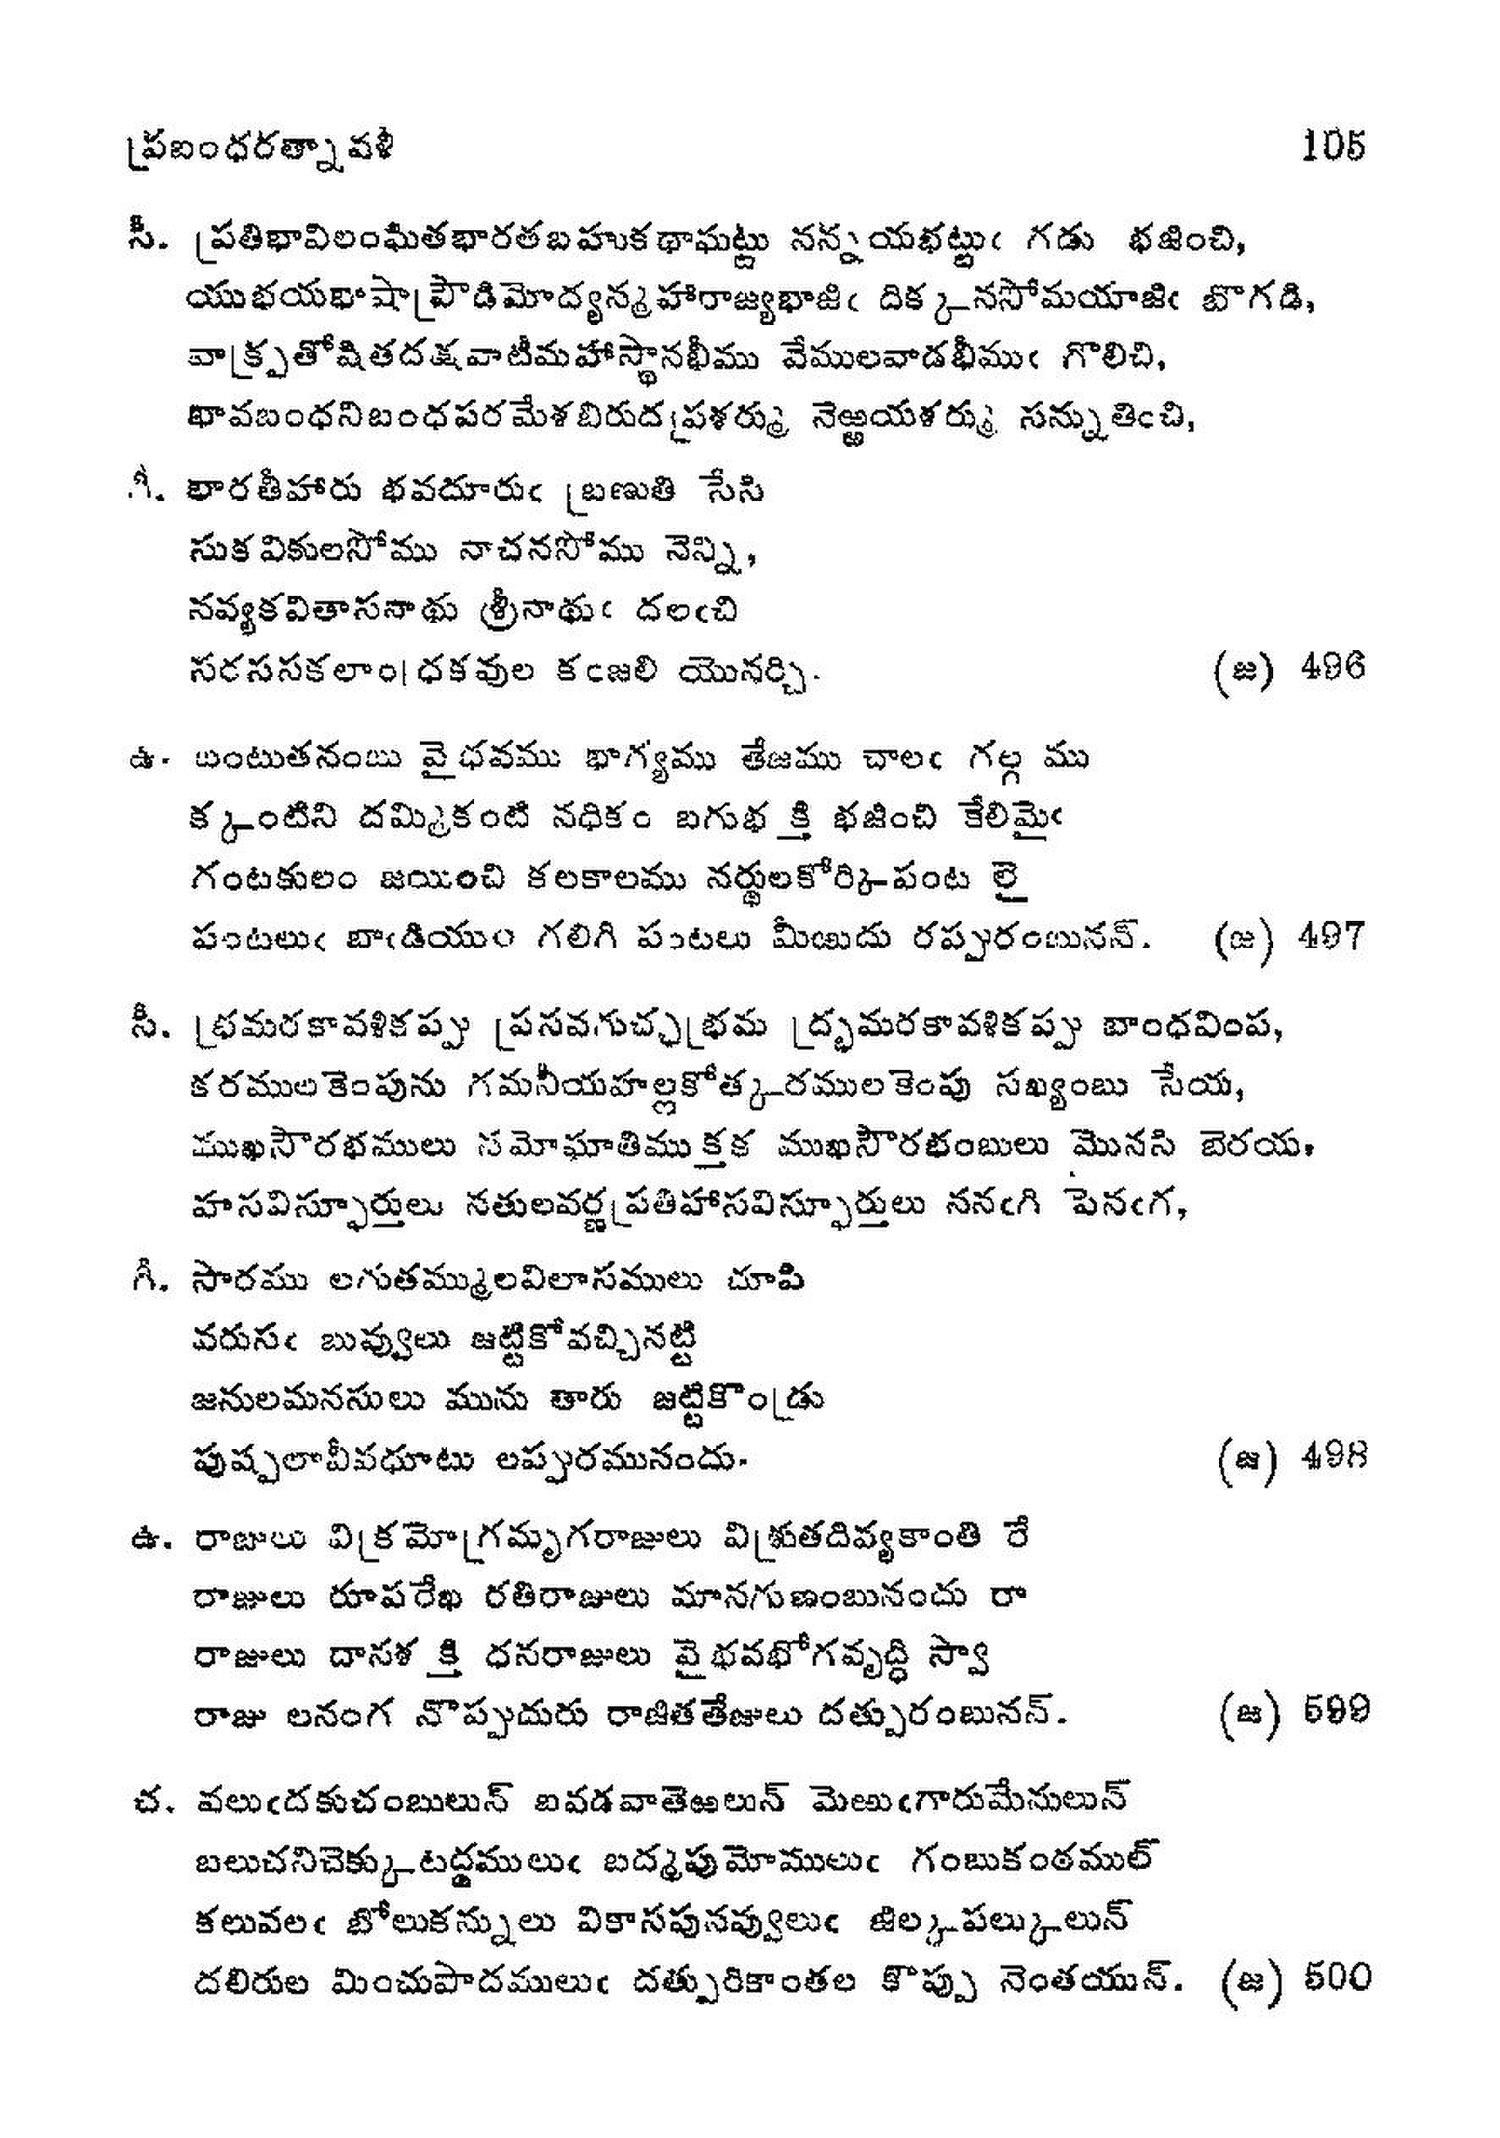సీ. ప్రతిభావిలంఘితభారతబహుకథాఘట్టు నన్నయభట్టుఁ గడు భజించి,
యుభయభాషాప్రౌఢిమోద్యన్మహారాజ్యభాజిఁ దిక్కనసోమయాజిఁ బొగడి,
వాక్ప్రతోషితదక్షవాటీమహాస్థానభీము వేములవాడభీముఁ గొలిచి,
భావబంధ నిబంధ పరమేశబిరుదప్రశర్ము నెఱ్ఱయశర్ము సన్నుతించి,
గీ. భారతీహారు భవదూరుఁ బ్రణుతి సేసి
సుకవికులసోము నాచన సోమునెన్ని,
నవ్యకవితాసనాథు శ్రీనాథుఁ దలఁచి
సరససకలాంధ్రకవుల కంజలి యొనర్చి. (జ) 496

ఉ. బంటుతనంబు వైభవము భాగ్యము తేజము చాలఁగల్గ ము
క్కంటిని దమ్మికంటి నధికంబగు భక్తి భజించి కేలిమైఁ
గంటకులం జయించి కలకాలము నర్థులకోర్కిపంటలై
పంటలుఁబాఁడియుంగలిగి పంటలు మీఱుదు రప్పురంబునన్. (జ) 497

సీ. భ్రమరికావళికప్పు ప్రసవగుచ్ఛభ్రమ ద్భ్రమరకావళికప్పు బాంధవింప,
కరములకెంపును గమనీయహల్లకో త్కరములకెంపు సఖ్యంబు సేయ,
ముఖసౌరభములు నమోఘాతిముక్తక ముఖసౌరభంబులు మొనసి బెరయ,
హాసవిస్ఫూర్తులు నతులవర్ణప్రతి హాసవిస్ఫూర్తులు నణఁగి పెనఁగ,
తే. సారములగు తమ్ముల విలాసములు చూపి
వరుసఁబువ్వులు జట్టికోవచ్చినట్టి
జనుల మనసులు మును తీరు జట్టికొండ్రు
పుష్పలావీవధూటు లప్పురమునందు. (జ) 498

ఉ. రాజులు విక్రమోగ్రమృగరాజులు విశ్రుతదివ్యకాంతి రే
రాజులు రూపరేఖ రతిరాజులు మానగుణంబునందు రా
రాజులు దానశక్తి ధనరాజులు వైభవభోగవృద్ధి స్వా
రాజులనంగ నొప్పుదురు రాజితతేజులు దత్పురంబునన్. (జ) 499

చ. వలుఁదకుచంబులున్ బవడవాతెఱలున్ మెఱుఁగారుమేనులున్
బలుచని చెక్కుటద్దములుఁ బద్మపుమోములుఁ గంబుకంఠముల్
కలువలఁబోలుకన్నులు వికాసపునవ్వులుఁ జిల్కపల్కులున్
దలిరుల మించుపాదములుఁ దత్పురికాంతల కొప్పు నెంతయున్. (జ) 500